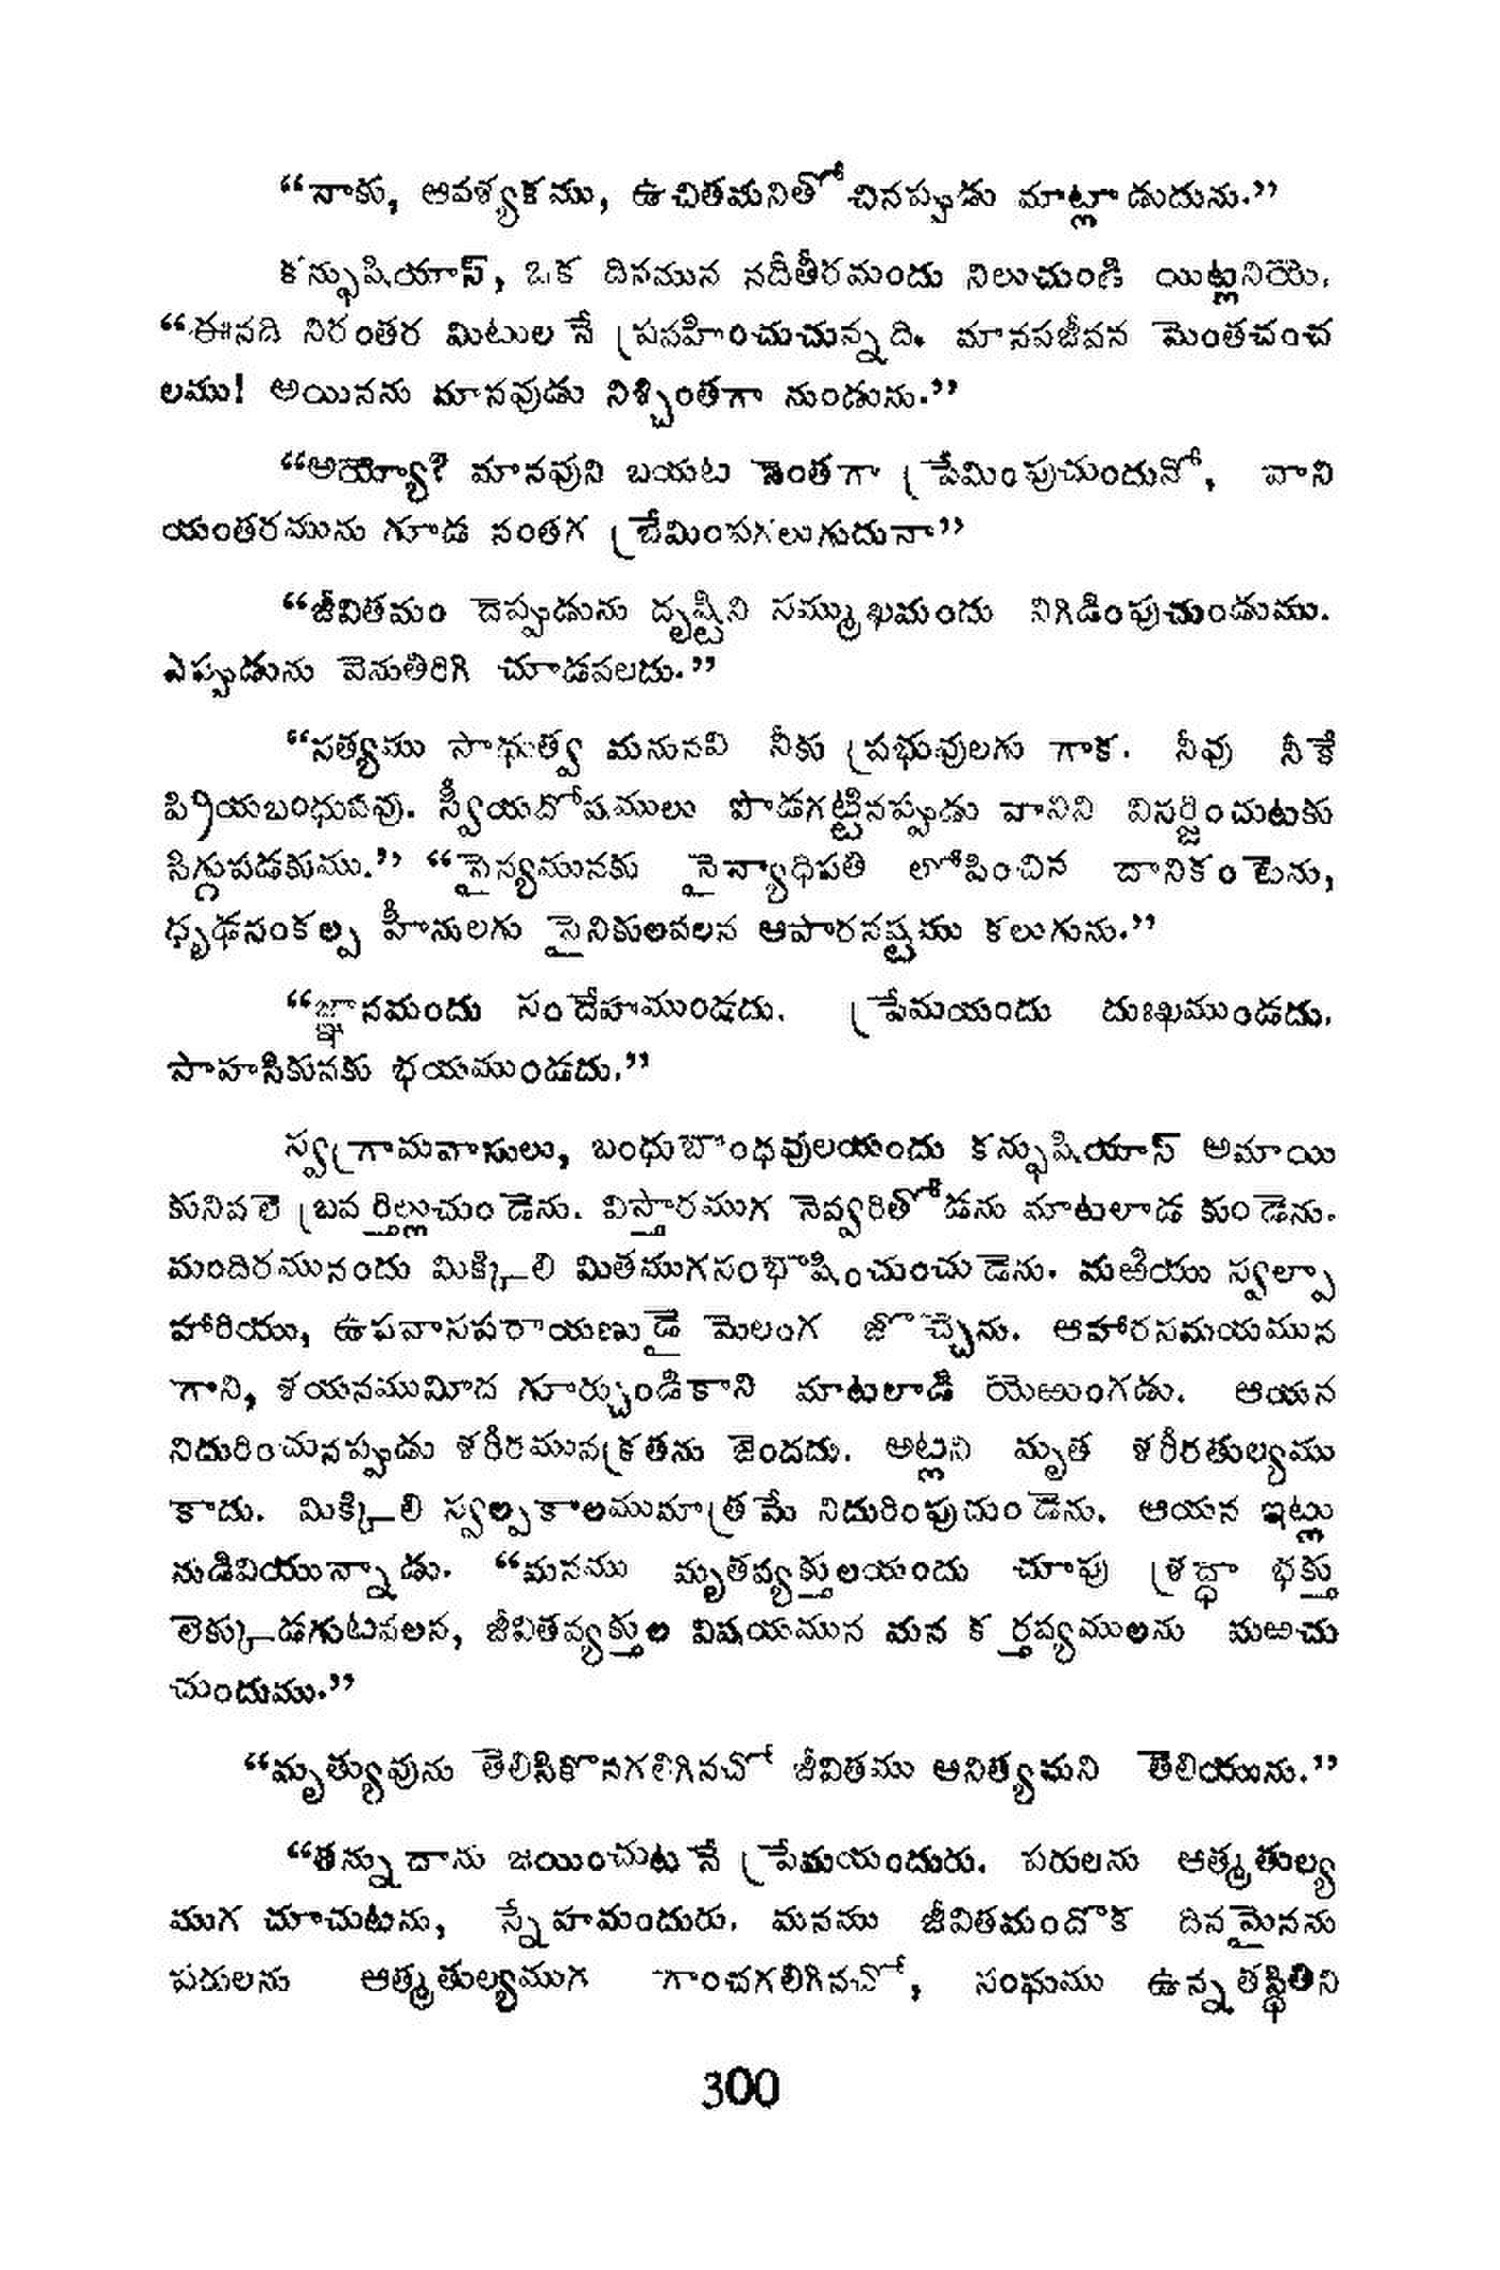"నాకు, అవశ్యకము, ఉచితమనితొచినప్పుడు మాట్లాడుదును."
 
కన్ఫూషియాన్, ఒక దినమున నదీతీరమందు నిలుచుండి యిట్లనియె. "ఈనది నిరంతర మిటులనే ప్రవహించుచున్నది. మానవజీవన మెంత చంచలము! అయినను మానవుడు నిశ్చింతగా నుండును."
 
"అయ్యో? మానవుని బయట నెంతగా ప్రేమింపుచుందురో, వాని యంతర మును గూడ నంతగ ప్రేమింపగలుగుదునా"
 
"జీవితమం దెప్పుడును దృష్టిని సమ్ముఖమందు నిగిడింపుచుండుము. ఎప్పుడును వెనుతిరిగి చూడవలదు."
 
"సత్యము సాధుత్వ మనునవి నీకు ప్రభువులకు గాక. నీవు నీకే ప్రియ బంధువవు, స్వీయదోషములు పొడగట్టినప్పుడు వానిని విసర్జించుటకు సిగ్గుపడ కుము." "సైన్యమునకు సైన్యాధిపతి లోపించిన దానికంటెను, ధృఢసంకల్ప హీనులగు సైనికులవలన అపారనష్టం కలుగును."
 
"జ్ఞానమందు సందేహముండదు. ప్రేమయందు దుఖముండదు. సాహసికునకు భయముండదు."
 
స్వగ్రామవాసులు, బంధుబాంధవులయందు కన్ఫూషియాన అమాయకు నివలె బ్రవర్తిల్లుచుండెను. విస్తారముగ నెవ్వరితోడను మాటలాడ కుండెను. మందిరమునందు మిక్కిలి మితమగసంభాషించుచుడెను. మఱియు స్వల్పా హారము, ఉపవాసపరాయణుడై మెలంగ జొచ్చెను. ఆహారసమయమున గాని, శయనముమీద గూర్చుండికాని మాటలాడి యెఱుంగడు. ఆయన నిదురించు నప్పుడు శరీరమునుక్రతను జెందదు. అట్లన మృత శరీరతుల్యము కాదు. మిక్కిలి స్వల్పకాలముమాత్రమే నిదురింపుచుండెను. ఆయన ఇట్లు నుడివి యున్నాడు. 'మనము మృతవ్యక్తులయందు చూపు శ్రద్ధా భక్తులెక్కువగుటవలన జీవితవ్యక్తుల విషయమున మన కర్తవ్యములను మఱచుచుందుము."
 
"మృత్యువును తెలిసికొనగలిగినచో జీవితము అసత్యమని తెలియును."
 
"తన్నుదాను జయించుటనే ప్రేమయందురు. పరులను ఆత్మతుల్యముగ చూచుటను, స్నేహమందురు. మనము జీవితమందొక దినమైనను పరులను ఆత్మతుల్యముగ గాంచగలిగినచో, సంఘము ఉన్నతస్థితిని